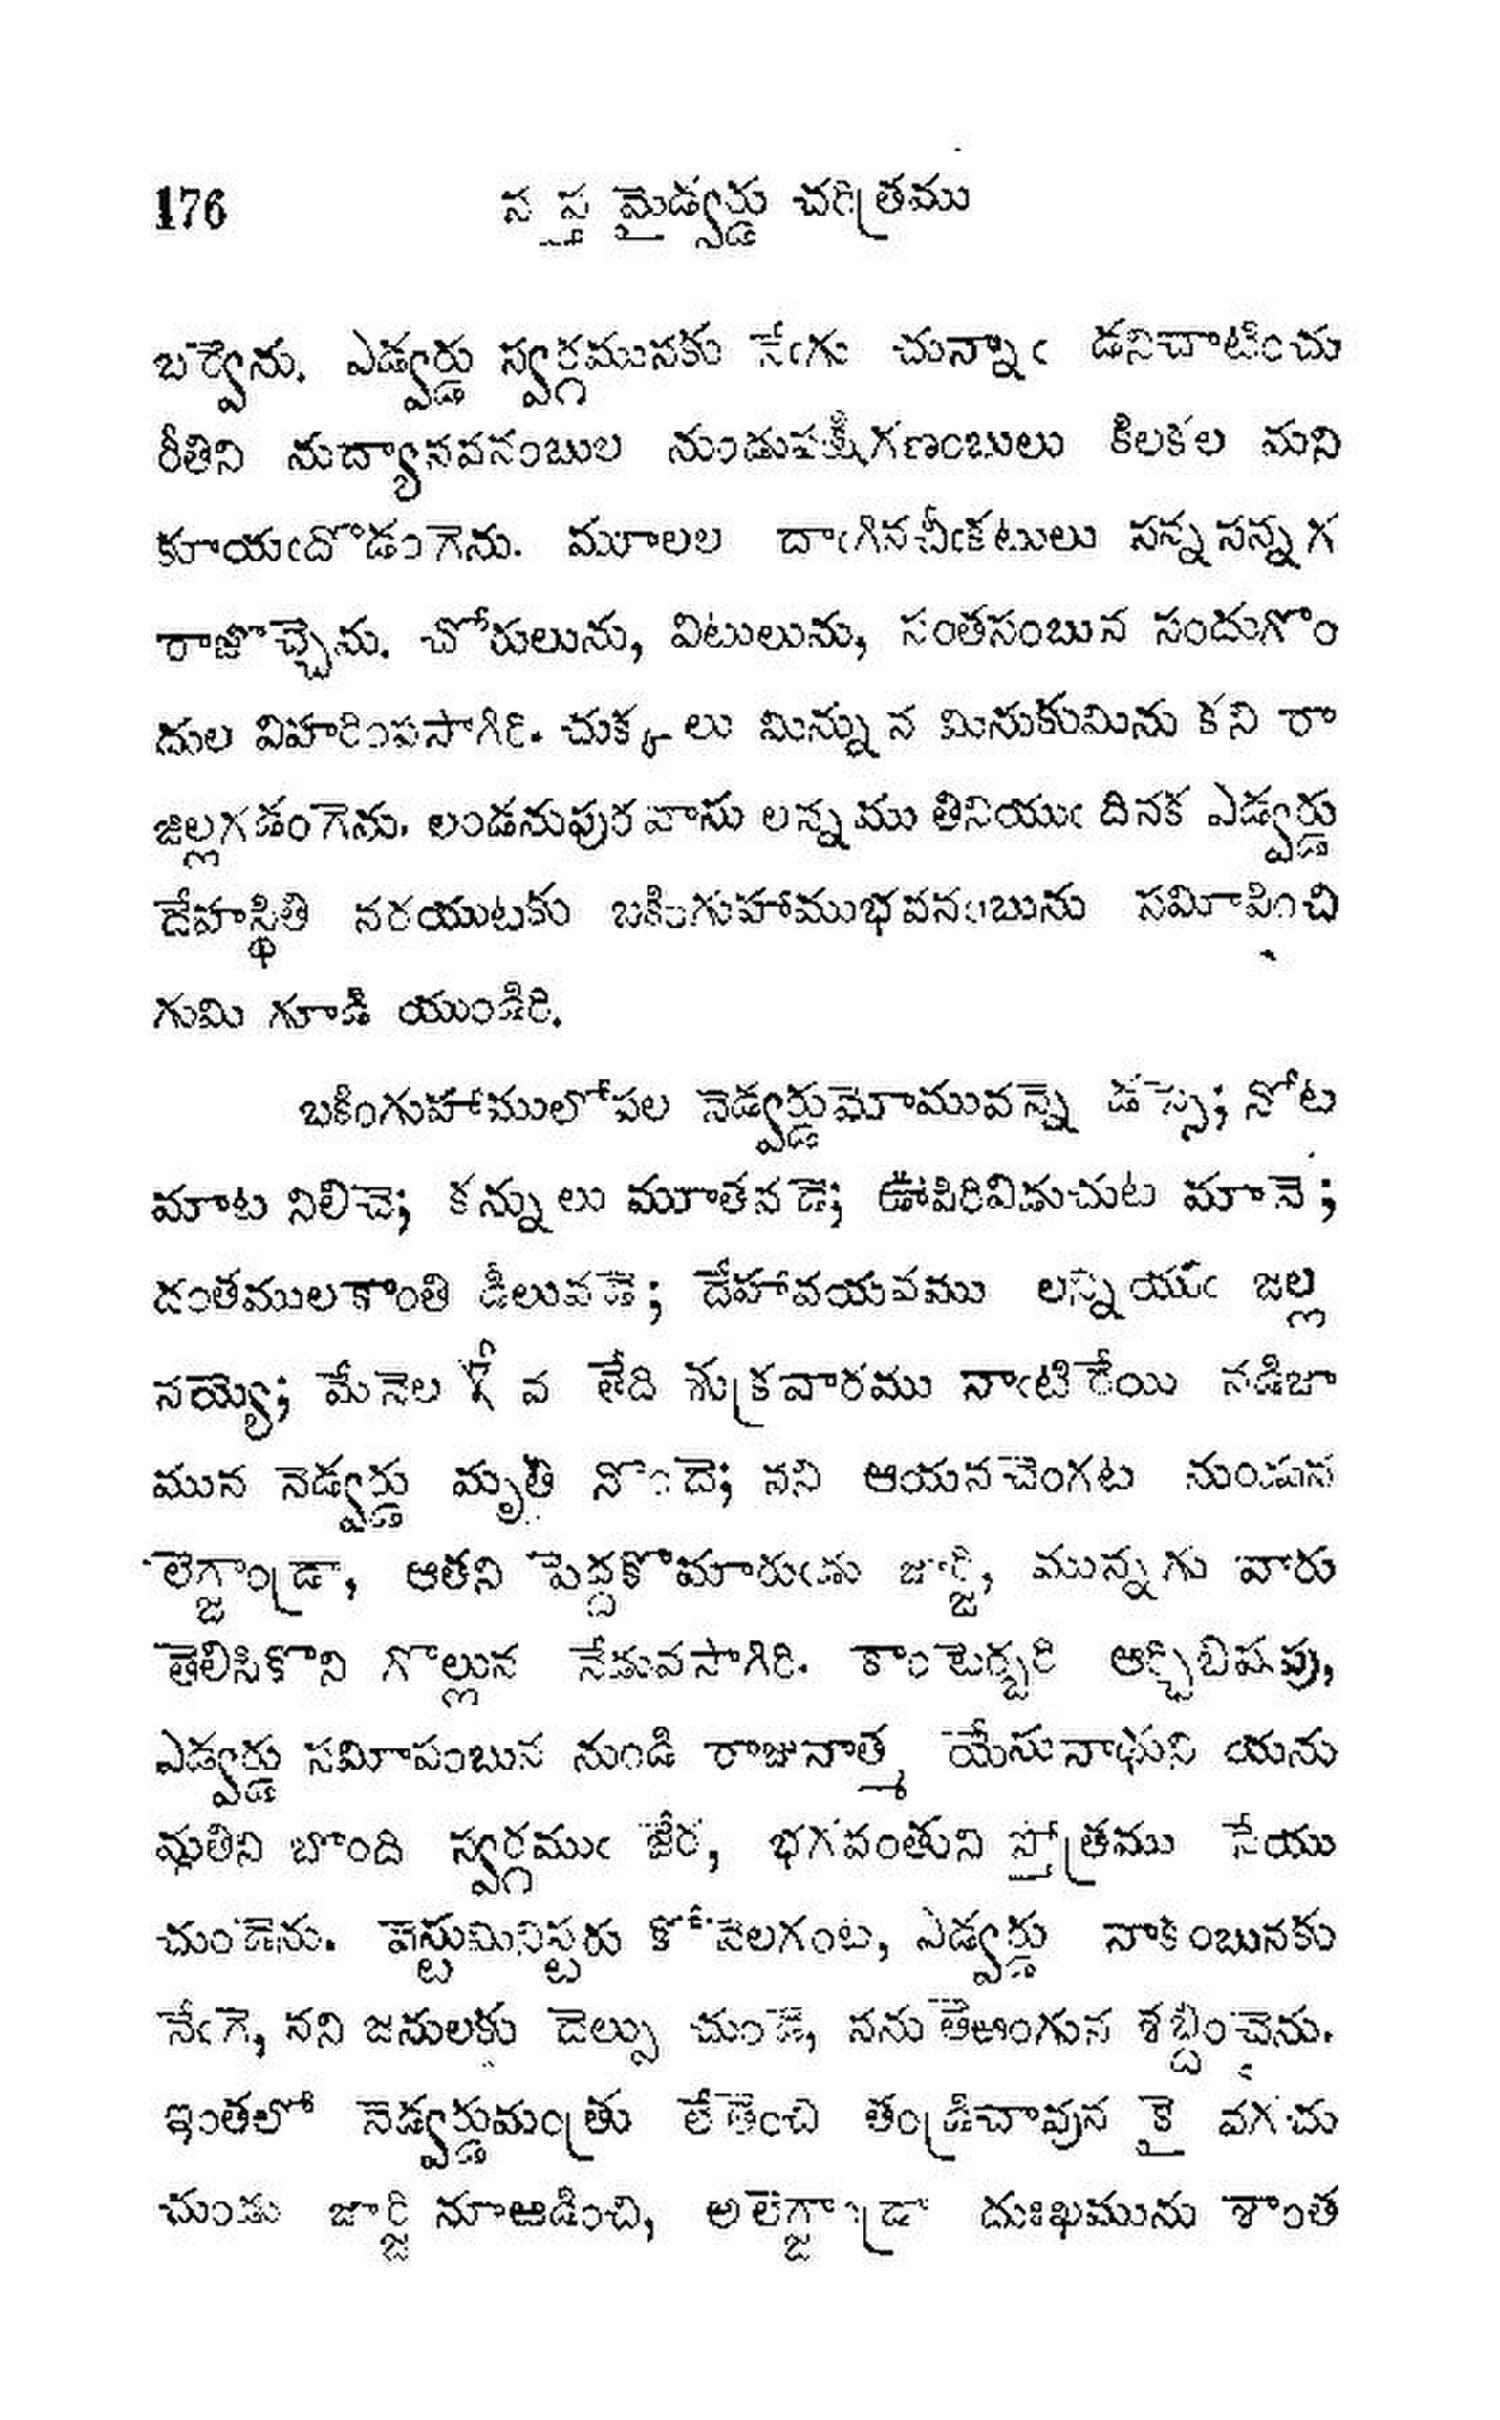బర్వెను. ఎడ్వర్డు స్వర్గమునకు వేగు చున్నాఁ డని చాటించు రీతిని నుద్యాన వనంబుల నుండు పక్షి గణంబులు కిలకల మని కూయఁదొడగెను. మూలల దాఁగిన చీకటులు సన్న సన్నగ రాజొచ్చేను. చోరులును, విటులును, సంతసంబున సందుగొం దుల విహరింపసాగిరి. చుక్కలు మిన్నున మినుకుమినుకని రా జిల్లగడంగెను. లండను పుర వాసు లన్నము తినియుఁ దినక ఎడ్వర్డు దేహస్థితి సరయుటకు బకింగు హాముభవనంబును సమీపించి గుమి గూడి యుండిరి.

బకింగుహాములోపల నెడ్వర్డుమోమువన్నె డస్సె. నోట మాట నిలిచె; కన్నులు మూతవడె; ఊపిరివిడుచుట మానె; దంతముల కాంతి డీలువడె ; దేహావయవము లన్నియుఁ జల్ల నయ్యే; మే నెల 7 వ తేది శుక్రవారము నాటి రేయి నడిజా మున నెడ్వర్లు మృతి నోందె; నని ఆయన చెంగట నుండు నలెగ్జాండ్రా, ఆతని పెద్దకోమారుఁడు జార్జి, మున్నగు వారు తెలిసికొని గొల్లున నేడువ సాగిరి. కాంటెర్బరీ ఆర్చిబిషపు, ఎడ్వర్డు సమీపంబున నుండి రాజు నాత్మ యేసు నాభుని యను మతిని బొంది స్వర్గముఁ జేర భగవంతుని స్తోత్రము సేయు చుండెను. "వెస్టుమినిస్టరు కోవెల గంట, ఎడ్వర్డు నాకంబునకు నేగె, నని జనులకు దెల్పుచుండె. నను తెలుంగున శబ్దంచెను. ఇంతలో నెడ్వర్డు మంత్రు లేతెంచి తండ్రి చావున కై వగచు చుండు జార్జి నూజడించి, అలెగ్జాడ్రా దుఃఖమును శాంత